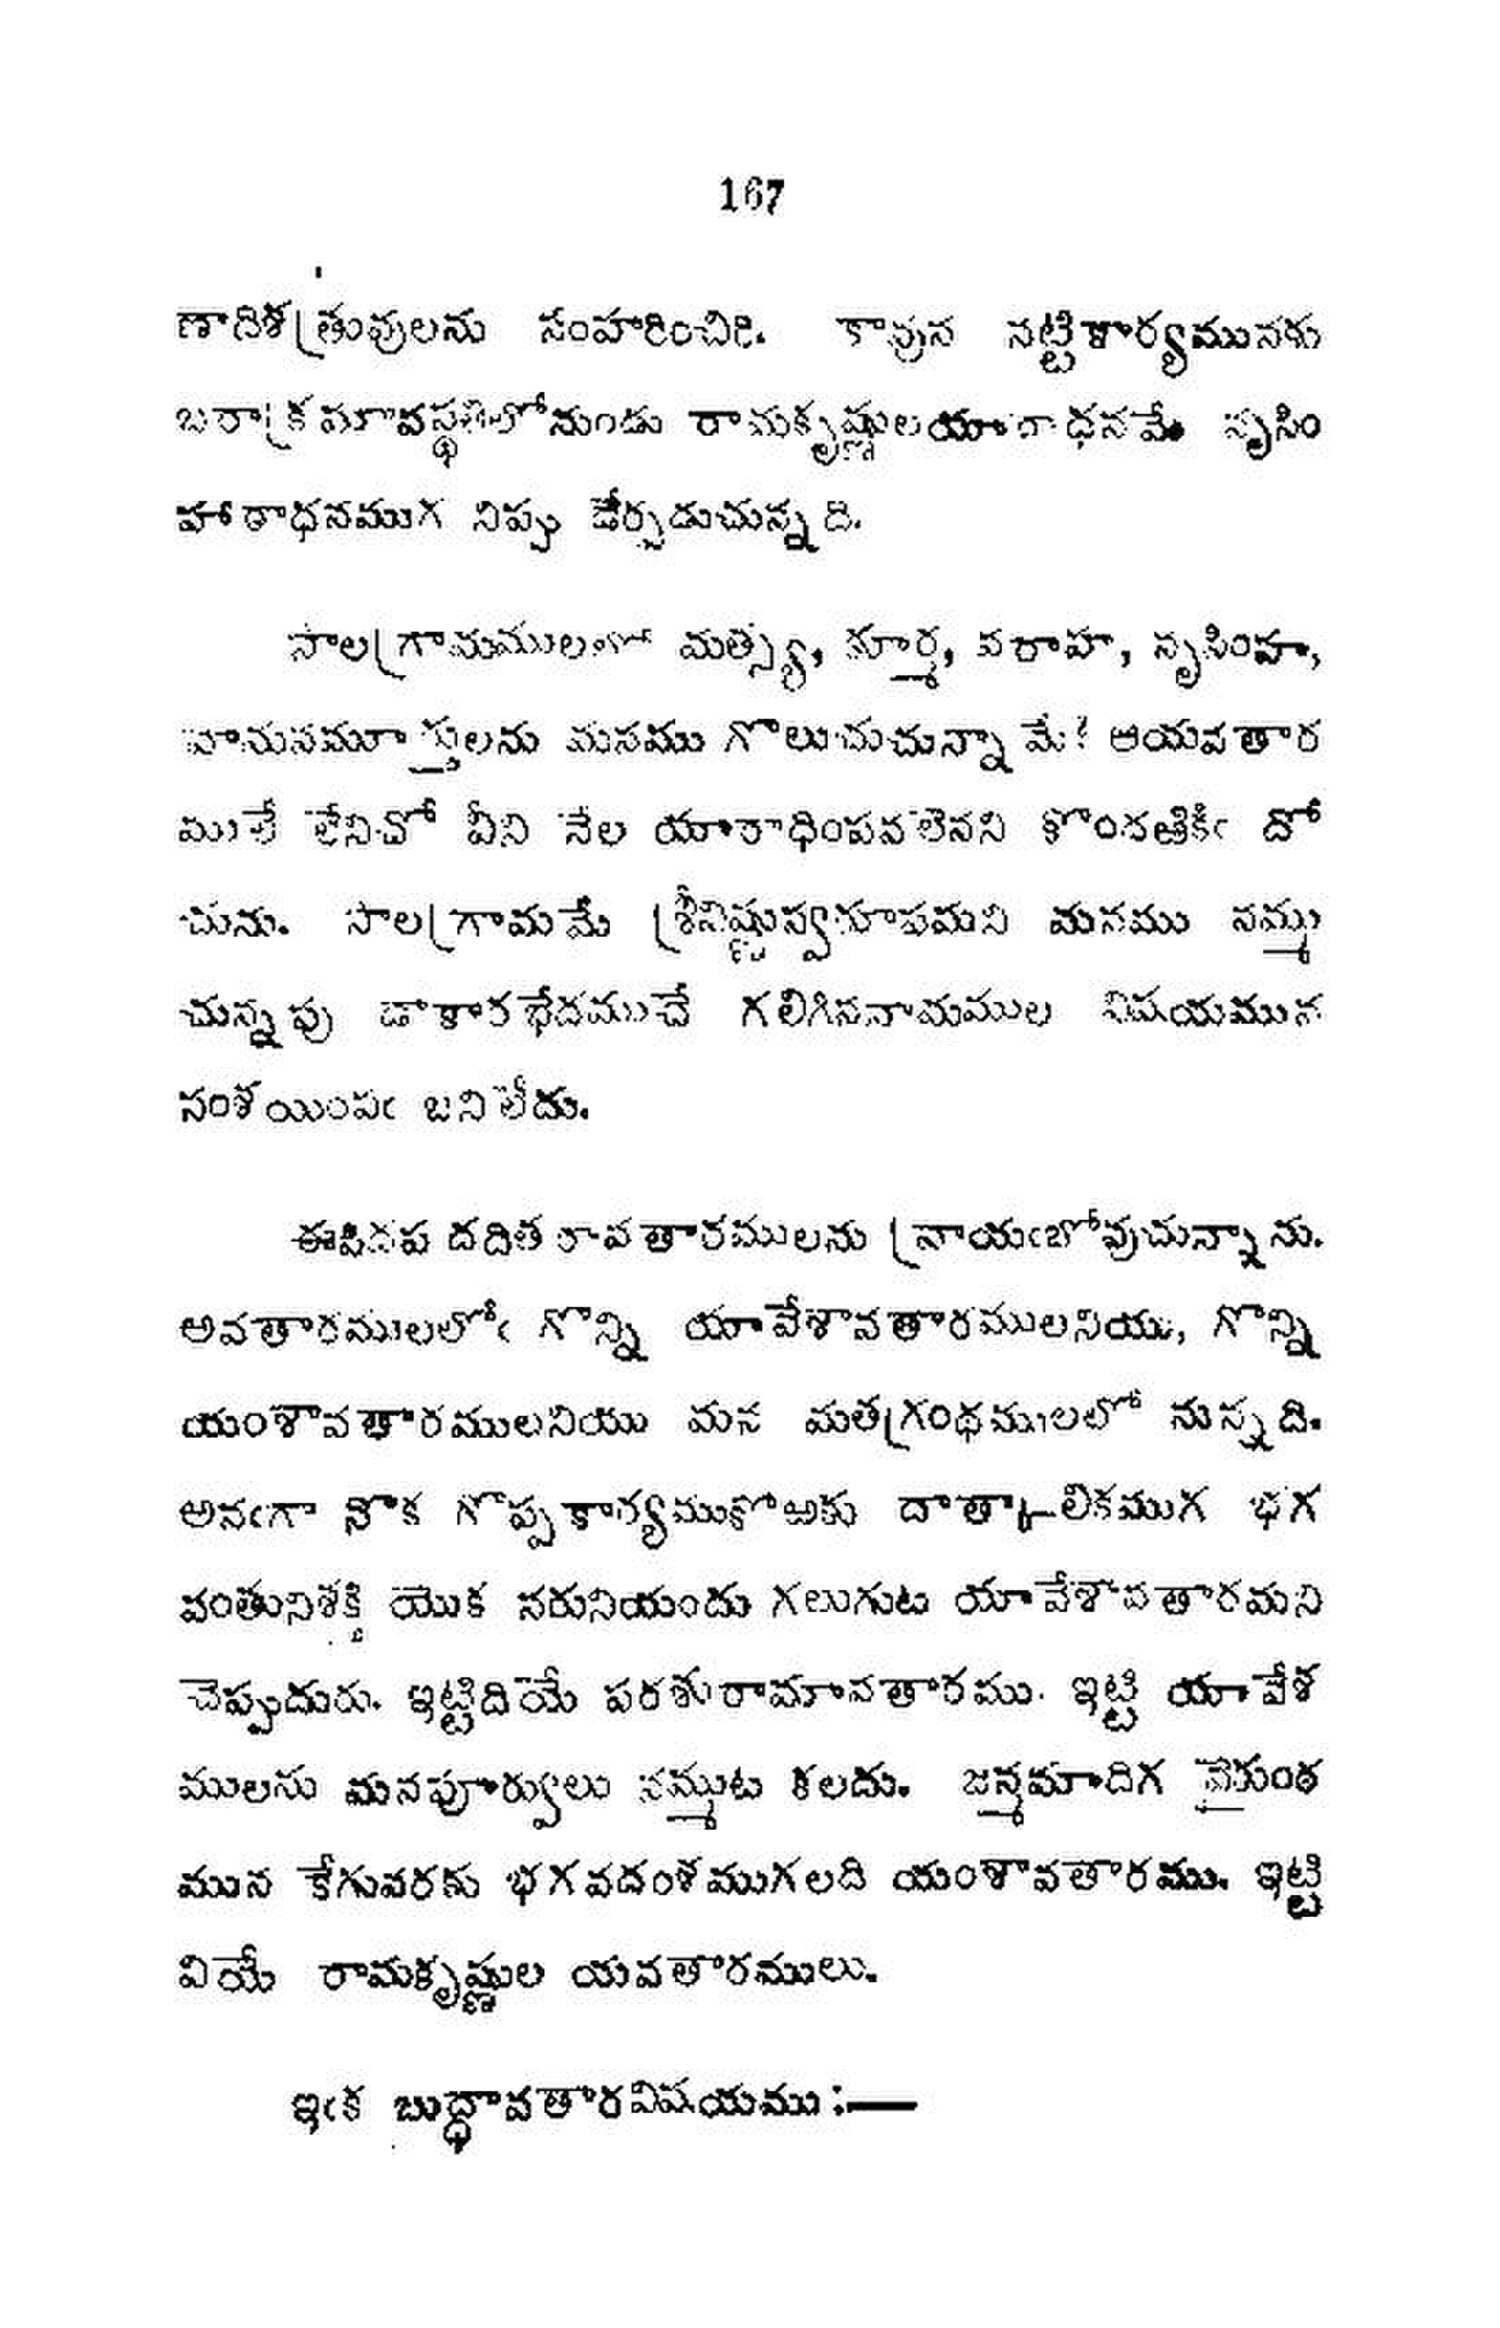ణాదిశత్రువులను సంహరించిరి. కావున నట్టికార్యమునకు బరాక్రమావస్థతిలోనుండు రామకృష్ణులయారాధనమే నృసింహారాధనముగ నిప్పు డేర్చడుచున్నది.

సాలగ్రామములలో మత్స్య, కూర్మ, వరాహ, నృసింహ, వామనమూర్తులను మనము గొలుచుచున్నామే ? ఆయవతారములే లేనిచే వీని నేల యారాధింపవలెనని కొందఱికిఁ దోచును. సాలగ్రామమే శ్రీవిష్ణుస్వరూపమని మనము నమ్ముచున్నపు డాకారభేదముచే గలిగిననామముల విషయమున
సంశయింపఁ బనిలేదు.

ఈపిదప దదితరావతారములను వ్రాయఁబోవుచున్నాను. అవతారములలోఁ గొన్ని యావేశావతారము లనియు, గొన్ని యంశావతారములనియు మన మతగ్రంథములలో నున్నది. అనఁగా నొక గొప్పకార్యము కొఱకు దాత్కాలికముగ భగవంతునిశక్తి యొక నరునియందు గలుగుట యావేశావతారమని
చెప్పుదురు. ఇట్టిదియే పరశురామావతారము. ఇట్టి యావేశములను మనపూర్వులు నమ్ముట కలదు. జన్మమాదిగ వైకుంఠమున కేగువరకు భగవదంశముగలది యంశావతారము. ఇట్టివియే రామకృష్ణుల యవతారములు.

ఇఁక బుద్ధావతారవిషయము :-